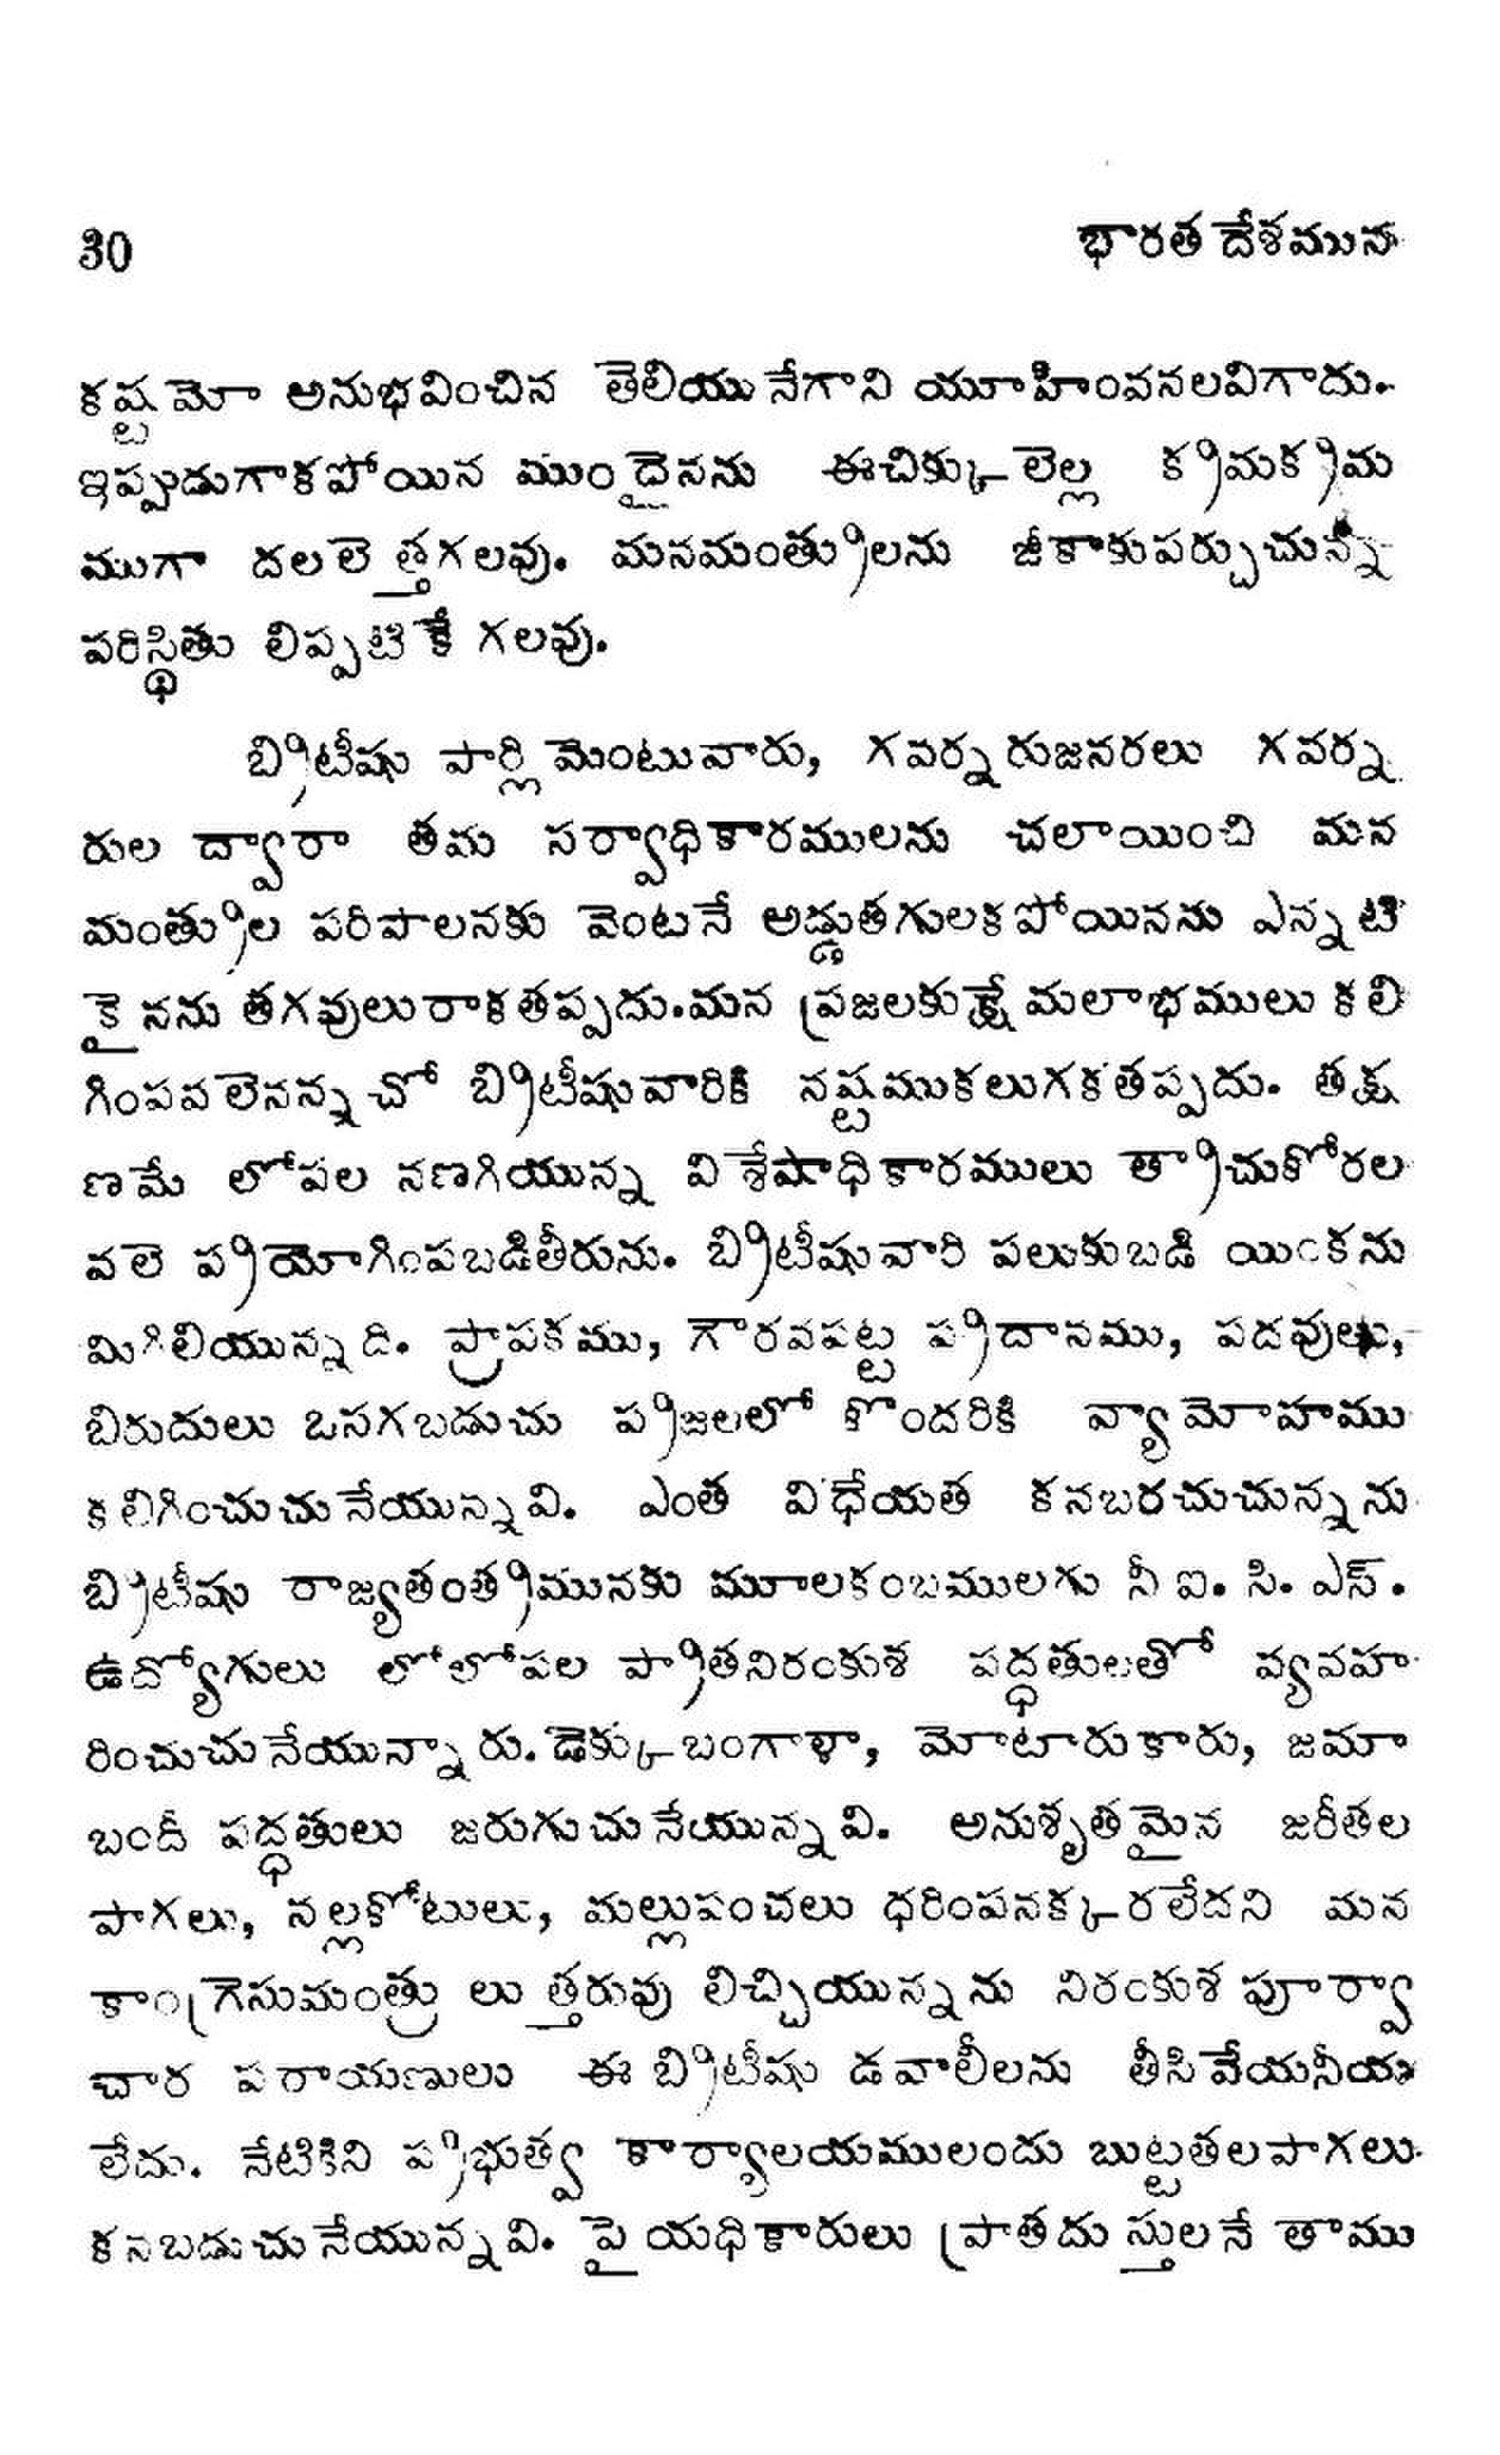కష్టమో అనుభవించిన తెలియునేగాని యూహింవనలవిగాదు. ఇప్పుడుగాకపోయిన ముందైనను ఈచిక్కులెల్ల క్రమక్రమముగా దలలెత్తగలవు. మనమంత్రులను జీకాకుపర్చుచున్నపరిస్థితు లిప్పటికే గలవు.

బ్రిటీషు పార్లిమెంటువారు, గవర్నరుజనరలు గవర్నరుల ద్వారా తమ సర్వాధికారములను చలాయించి మనమంత్రుల పరిపాలనకు వెంటనే అడ్డుతగులకపోయినసు ఎన్నటికైనను తగవులురాకతప్పదు. మన ప్రజలకుక్షేమలాభములు కలిగింపవలెనన్నచో బ్రిటీషువారికి నష్టముకలుగకతప్పదు. తక్షణమే లోపల నణగియున్న విశేషాధికారములు త్రాచుకోరలవలె ప్రయోగింపబడితీరును. బ్రిటీషువారి పలుకుబడి యింకను మిగిలియున్నది. ప్రాపకము, గౌరవపట్ట ప్రదానము, పదవులు, బిరుదులు ఒసగబడుచు ప్రజలలో కొందరికి వ్యామోహము కలిగించుచునేయున్నవి. ఎంత విధేయత కనబరచుచున్నను బ్రిటీషు రాజ్యతంత్రమునకు మూలకంబములగు నీ ఐ. సి. ఎస్. ఉద్యోగులు లోలోపల ప్రాతనిరంకుశ పద్దతులతో వ్యవహరించుచునేయున్నారు. డెక్కు బంగాళా, మోటారుకారు, జమాబందీ పద్దతులు జరుగుచునేయున్నవి. అనుశృతమైన జరీతలపాగలు, నల్లకోటులు, మల్లుపంచలు ధరింపనక్కరలేదని మన కాంగ్రెసుమంత్రు లుత్తరువు లిచ్చియున్నను నిరంకుశ పూర్వాచార పరాయణులు ఈ బ్రిటీషు డవాలీలను తీసివేయనీయ లేదు. నేటికిని ప్రభుత్వ కార్యాలయములందు బుట్టతలపాగలు. కనబడుచునేయున్నవి. పై యధికారులు ప్రాతదుస్తులనే తాము